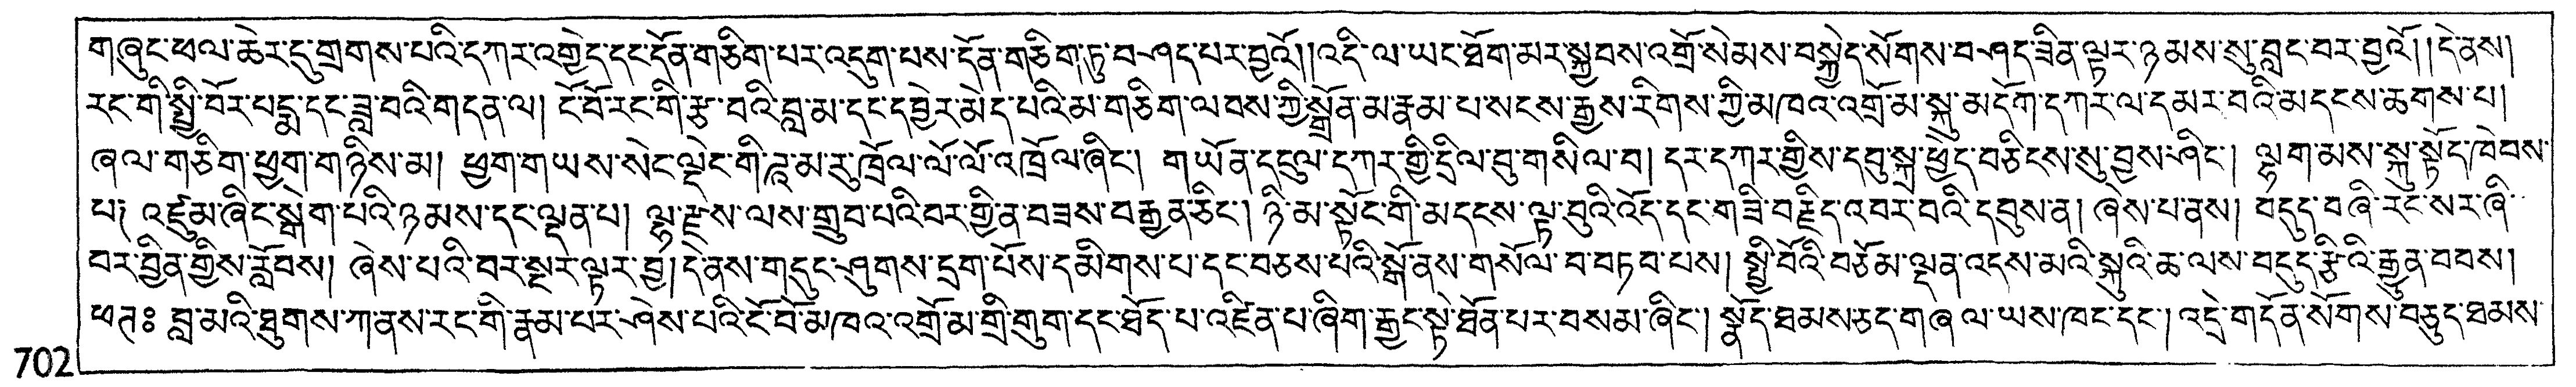གཞུང་ཕལ་ཆེར་དུ་གྲགས་པའི་དཀར་འགྱེད་དང་དོན་གཅིག་པར་འདུག་པས་དོན་གཅིག་ཏུ་བཤད་པར་བྱའོ། །འདི་ལ་ཡང་ཐོག་མར་སྐྱབས་འགྲོ་སེམས་བསྐྱེད་སོགས་བཤད་ཟིན་ལྟར་ཉམས་སུ་བླང་བར་བྱའོ། །དེ་ནས།
རང་གི་སྤྱི་བོར་པདམ་དང་ཟླ་བའི་གདན་ལ། ངོ་བོ་རང་གི་རྩ་བའི་བླ་མ་དང་དབྱེར་མེད་པའི་མ་གཅིག་ལ་བས་ཀྱི་སྒྲོན་མ་རྣམ་པ་སངས་རྒྱས་རིགས་ཀྱི་མཁའ་འགྲོ་མ་སྐུ་མདོག་དཀར་ལ་དམར་བའི་མདངས་ཆགས་པ།
ཞལ་གཅིག་ཕྱག་གཉིས་མ། ཕྱག་གཡས་སེང་ལྡེང་གི་ཌཱ་མ་རུ་ཁྲོལ་ལོ་ལོ་འཁྲོལ་ཞིང་། གཡོན་དངུལ་དཀར་གྱི་དྲིལ་བུ་གསིལ་བ། དར་དཀར་གྱིས་དབུ་སྐྲ་ཕྱེད་བཅིངས་སུ་བྱས་ཤིང་། ལྷག་མས་སྐུ་སྟོད་ཁེབས་
པ༑ འཛུམ་ཞིང་སྒེག་པའི་ཉམས་དང་ལྡན་པ། ལྷ་རྫས་ལས་གྲུབ་པའི་བར་གྱི་ན་བཟས་བརྒྱན་ཅིང་། ཉི་མ་སྟོང་གི་མདངས་ལྟ་བུའི་འོད་དང་གཟི་བརྗིད་འབར་བའི་དབུས་ན། ཞེས་པ་ནས། བདུད་བཞི་རང་སར་ཞི་
བར་བྱིན་གྱིས་རློབས། ཞེས་པའི་བར་སྔར་ལྟར་བྱ། དེ་ནས་གདུང་ཤུགས་དྲག་པོས་དམིགས་པ་དང་བཅས་པའི་སྒོ་ནས་གསོལ་བ་བཏབ་པས། སྤྱི་བོའི་བཅོམ་ལྡན་འདས་མའི་སྐུའི་ཆ་ལས་བདུད་རྩིའི་རྒྱུན་བབས།
ཕཊཿ བླ་མའི་ཐུགས་ཀ་ནས་རང་གི་རྣམ་པར་ཤེས་པའི་ངོ་བོ་མཁའ་འགྲོ་མ་གྲི་གུག་དང་ཐོད་པ་འཛིན་པ་ཞིག་རྒྱང་སྟེ་ཐོན་པར་བསམ་ཞིང་། སྣོད་ཐམས་ཅད་གཞལ་ཡས་ཁང་དང་། འདྲེ་གདོན་སོགས་བཅུད་ཐམས་